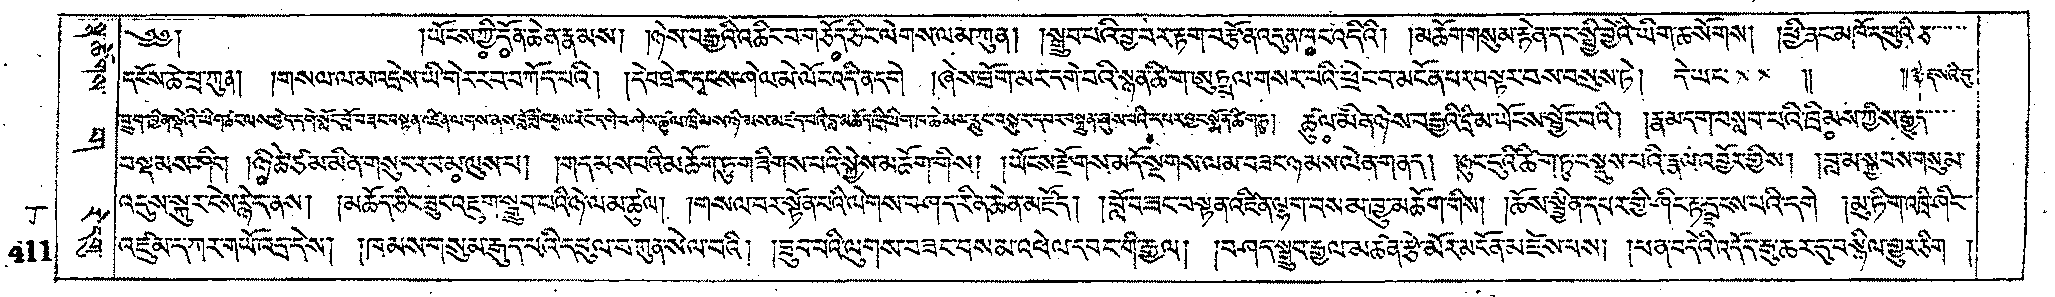༄༅། །ཡོངས་ཀྱི྾་དོན྾་ཆེན་རྣམས། །ཉེས་བརྒྱའི་འཆིང་བ་གཅོད྾་ཅིང་ལེགས་ལམ་ཀུན། །སྒྲུབ་པའི་བྱ་བར་རྟག་བརྩོན་འདུན་ཁང྾་འདིའི། །མཆོག་གསུམ་རྟེན་དང་སྤྱི་བྱེའི་ཡིག་ཆ་སོགས། །ཕྱི་ནང་མཁོ་དགུའི་ཅ་་་
དངོས་ཆེ་ཕྲ་ཀུན། །གསལ་ལ་མ་འདྲེས་ཡི་གེར་རབ་བཀོད་པའི། །དེབ་ཐེར་དྭངས་ཤེལ་མེ་ལོང་འདི་ན་དགེ །ཞེས་ཐོག་མར་དགེ་བའི་སྙན་ཚིག་ཨུཏྤལ་གསར་པའི་ཕྲེང་བ་མངོན་པར་བསྟར་བས་བསུས་ཏེ། དེ་ཡང་྾་྾་།། །། འ་རྡ་སའི་བུ་
ཕྲུག་ཁྱིན་སྡེའི་ཡིག་ཚང་ལས་བྱེད་དགེ་སློང་བློ་བཟང་བསྟན་འཛིན་ལགས་ནས་བློ་གླིང་རྒྱལ་རོང་དགེ་བཤེས་ཚུལ་ཁྲིམས་ཉི་མས་མཛད་པའི་བླ་མཆོད་ཁྲིད་ཡིག་ཁ་ཆེམས་རླུང་བསྐུར་དཔར་བསྐྲུན་ཞུས་པའི་དཔར་བྱང་སྨོན་ཚིག་ཏུ། ཚུལ྾་མིན་ཉེས་བརྒྱའི་དྲི་མ་ཡོངས་སྦྱོང་བའི། །རྣམ་དག་བསླབ་པའི་ཁྲིམས་ཀྱིས་རྒྱུད་་་
བསྡམས་ཤིང་། །ཉི྾་ཚེ་ཙམ་མིན་གསུང་རབ྾་མ྾་ལུས་པ། །གདམས་པའི་མཆོག་ཏུ་གཟིགས་པའི་སྐྱེས་མཆོག་གིས། །ཡོངས་རྫོགས་མདོ་སྔགས་ལམ་བཟང་ཉམས་ལེན་གནད། །ཉུང་དུའི་ཚིག་ཏུ་བསྡུས་པའི་རྣལ་འབྱོར་གྱིས། །བླ་མ་སྐྱབས་གསུམ་
འདུས་སྐུར་ངེས་རྙེད་ནས། །མཆོད་ཅིང་ཟུང་འཇུག་སྒྲུབ་པའི་ཉེ་ལམ་ཚུལ། །གསལ་བར་སྟོན་པའི་ལེགས་བཤད་རིན་ཆེན་མཛོད། །བློ་བཟང་བསྟན་འཛིན་ལྷག་བསམ་ཁྱུ་མཆོག་གིས། །ཆོས་སྦྱིན་དཔར་གྱི་ཤིང་རྟར་དྲངས་པའི་དགེ །མུ་ཏིག་འཁྲི་ཤིང་་་
འཛུམ་དཀར་གཡོ་འདྲ་དེས། །ཁམས་གསུམ་རྒུད་པའི་དབུལ་བ་ཀུན་སེལ་བའི། །ཐུབ་པའི་ལུགས་བཟང་བསམ་འཕེལ་དབང་གི་རྒྱལ། །བཤད་སྒྲུབ་རྒྱལ་མཚན་རྩེ་མོར་མངོན་མཛེས་པས། །ཕན་བདེའི་འདོད་རྒྱུ་ཆར་དུ་བསྙིལ་གྱུར་ཅིག །